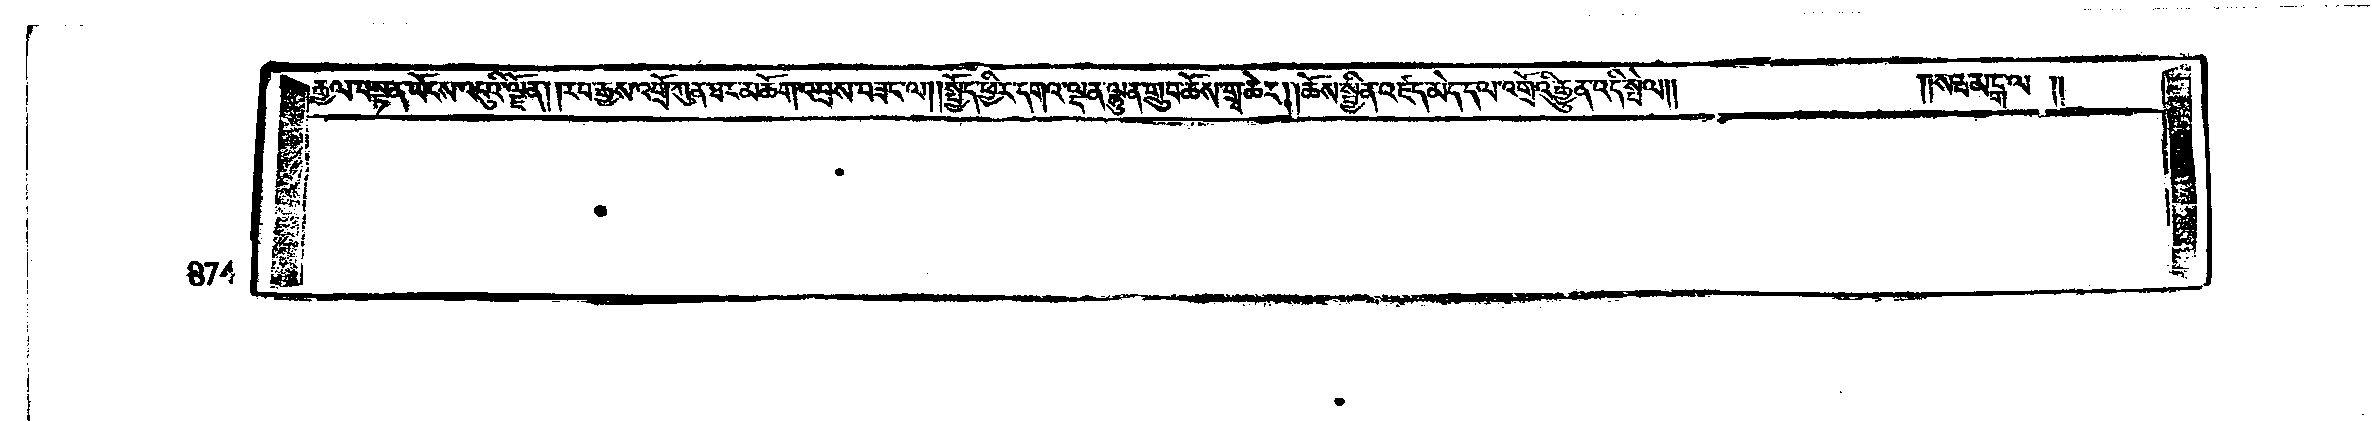རྒྱལ་བསྟན་ཡོངས་འདུའི་ལྗོན། །རབ་རྒྱས་འགྲོ་ཀུན་ཐར་མཆོག་འབྲས་བཟང་ལ། །སྤྱོད་ཕྱིར་དགའ་ལྡན་ལྷུན་གྲུབ་ཆོས་གྲྭ་ཆེར། །ཆོས་སྦྱིན་འཛད་མེད་ངལ་འགྲོའི་རྒྱུན་འདི་སྤེལ།། །།སརྦ་མ་ངག་ལ་།།?
༧་?་བོད་གཞུང་ཤེས་རིག་པར་ཁང་ནས་དཔར་བསྐྲུན་ཞུས་པའོ།། བོད་རྒྱལ་ལོ ༢༡༡༡་ཕྱི་ལོ ༡༩༨༤